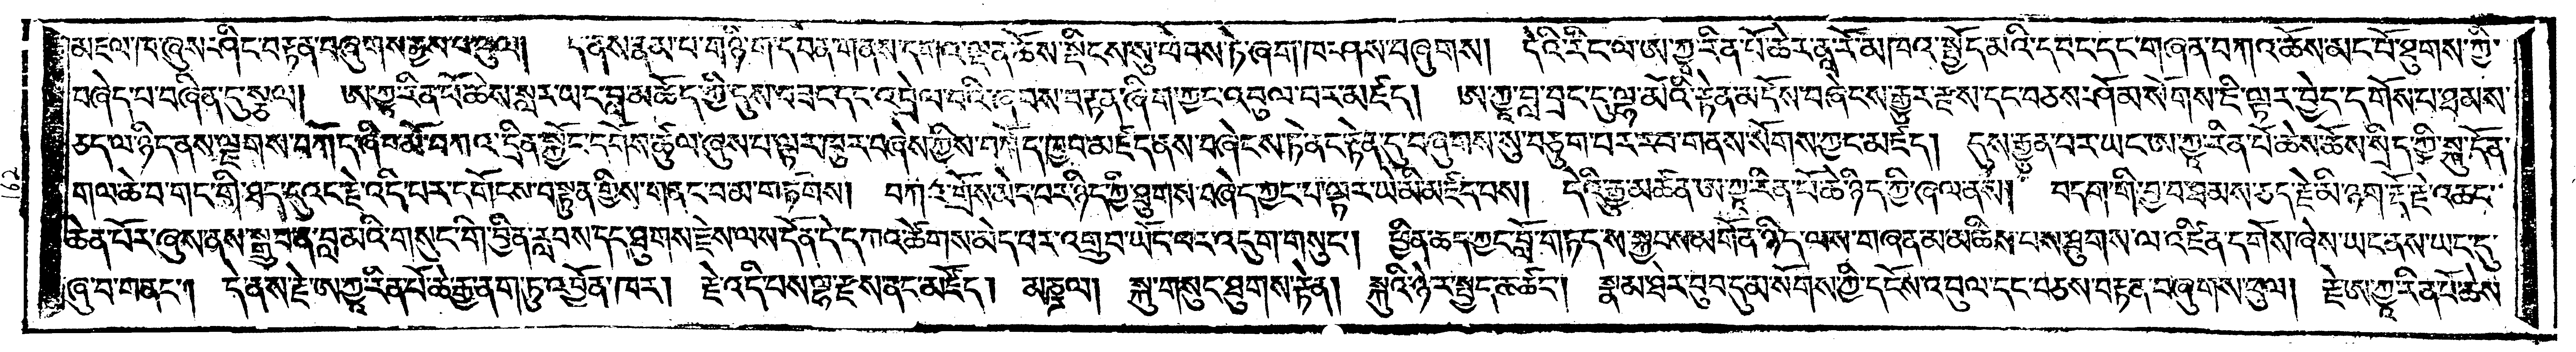མཇལ་ཁ་ཞུས་ཤིང་བརྟན་བཞུགས་རྒྱས་བ་ཕུལ། དེ་ནས་རྣམ་པ་གཉིག་དབེན་གནས་དགའ་ལྡན་ཆོས་སྡིངས་སུ་ཕེབས་ཏེ་ཞག་ཁ་ཤས་བཞུགས། དེའི་རིང་ལ་ཨ་ཀྱཱ་རིན་པོ་ཆེར་ནཱ་རོ་མཁའ་སྤྱོད་མའི་དབང་དང་གཞན་བཀའ་ཆོས་མང་པོ་ཐུགས་ཀྱི་
བཞེད་པ་བཞིན་དུ་སྩལ། ཨ་ཀྱཱ་རིན་པོ་ཆས་སླར་ཡང་བླ་མཆོད་ཀྱི་དུས་བཟང་དང་འབྲེལ་བའི་ཞབས་བརྟན་ཞིག་ཀྱང་འབུལ་བར་མཛད། ཨ་ཀྱཱ་བླ་བྲང་དུ་ལྷ་མོའི་རྟེན་མདོས་བཞེངས་རྒྱུར་རྫས་དང་བཅས་ཤོམ་སོགས་ཇི་ལྟར་བྱེད་དགོས་པ་ཐམས་
ཅད་ལ་ཉིད་ནས་ལྗགས་བཀོད་ཞིབ་མོ་བཀའ་དྲིན་སྐྱོང་དགོས་ཚུལ་ཞུས་བ་ལྟར་ཁུར་བཞེས་ཀྱིས་བཀོད་ཁྱབ་མཛད་ནས་བཞེངས་ཏེ་ནང་རྟེན་དུ་བཞུགས་སུ་བཅུག་པར་རབ་གནས་སོགས་ཀྱང་མཛད། དུས་རྒྱུན་བར་ཡང་ཨ་ཀྱཱ་རིན་པོ་ཆེས་ཆོས་སྲིད་ཀྱི་སྐུ་དོན་
གལ་ཆེ་བ་གང་གི་ཐད་དུའང་རྗེ་འདི་པར་དགོངས་བསྟུན་གྱིས་གནང་བ་མ་གཏོགས། བཀའ་གྲོས་མེད་བར་ཉིད་ཀྱི་ཐུགས་བཞེད་ཀྱང་པ་ལྟར་ཡེ་མི་མཛད་པས། དེའི་རྒྱུ་མཚན་ཨ་ཀྱཱ་རིན་པོ་ཆེ་ཉིད་ཀྱི་ཞལ་ནས། བདག་གི་བྱ་བ་ཐམས་ཅད་རྗེ་མི་ཉག་རྡོ་རྗེ་འཆང་
ཆེན་པོར་ཞུས་ནས་སྒྲུབ་ན་བླ་མའི་གསུང་གི་བྱིན་རླབས་དང་ཐུགས་རྗེས་ལས་དོན་དེ་དཀའ་ཚེགས་མེད་པར་འགྲུབ་ཡོང་བར་འདུག་གསུང་། ཕྱིན་ཆད་ཀྱང་བློ་གཏད་ས་སྐྱབས་མགོན་ཉིད་ལས་གཞན་མ་མཆིས་བས་ཐུགས་ལ་འཛིན་དགོས་ཞེས་ཡང་ནས་ཡང་དུ་
ཞུ་བ་གནང་། དེ་ནས་རྗེ་ཨ་ཀྱཱ་རིན་པོ་ཆེ་རྒྱ་ནག་ཏུ་འབྱོན་ཁར། རྫེ་འདི་བས་ལྷ་རྫས་ནང་མཛོད། མཎྜལ། སྐུ་གསུང་ཐུགས་རྟེན། སྐུའི་ཉེར་སྦྱད་ཆ་ཚང་། རྣམ་ཐེར་བུ་བདུམ་སོགས་ཀྱི་དངོས་འབུལ་དང་བཅས་བརྟན་བཞུགས་ཕུལ། རྗེ་ཨ་ཀྱཱ་རིན་པོ་ཆེས་